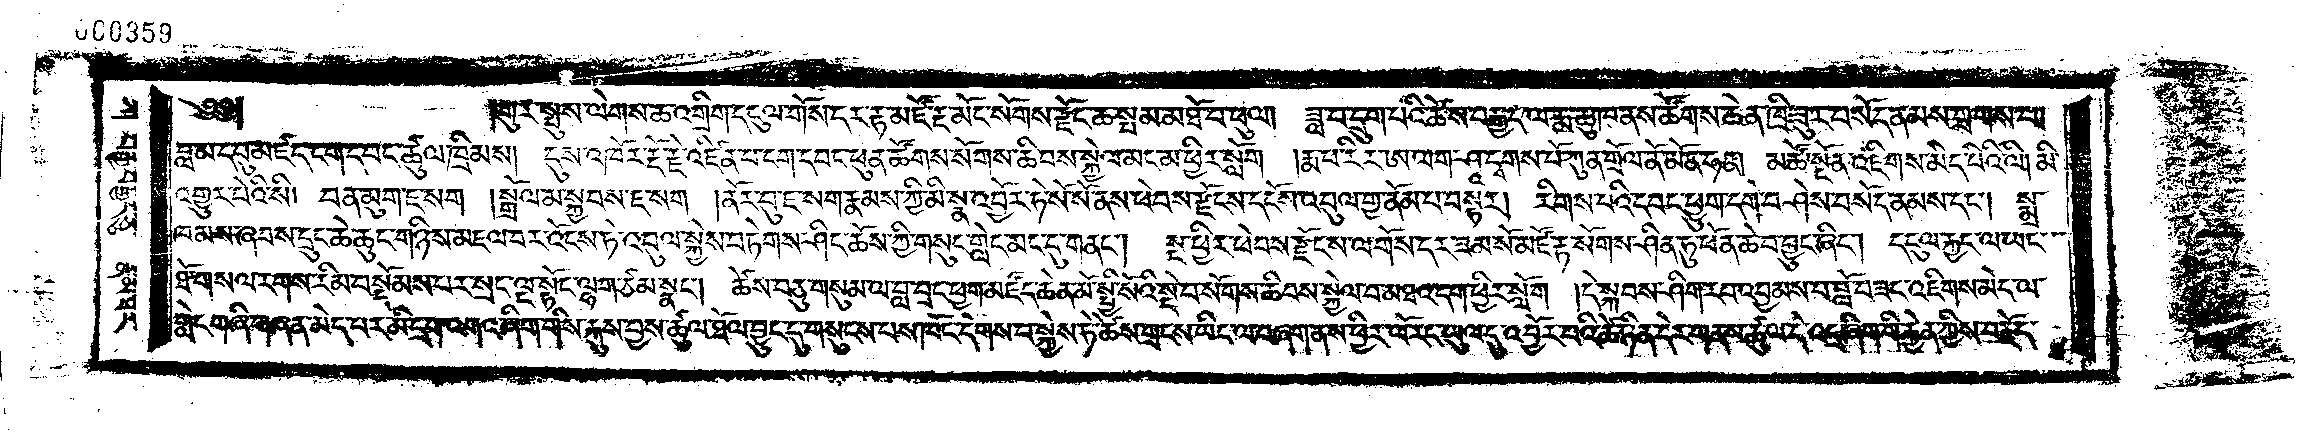༄༅། །གུར་སྤུས་ལེགས་ཆ་འགྲིག་དངུལ་གོས་དར་རྟ་མཛོ་རྔ་མོང་སོགས་རྫོང་ཆ་སྤམ་མཐོ་བ་ཕུལ། ཟླ་བ་དྲུག་པའི་ཚེས་བརྒྱད་ལ་རྨ་ཆུ་ཁ་ནས་ཚོགས་ཆེན་ཁྲི་ཟུར་བསོད་ནམས་གྲགས་པ།
བླ་མ་དབུ་མཛད་ངག་དབང་ཚུལ་ཁྲིམས། དུས་འཁོར་རྡོ་རྗེ་འཛིན་པ་ངག་དབང་ཕུན་ཚོགས་སོགས་ཆིབས་སྐྱེལ་མང་མ་ཕྱིར་སློག །རྨ་ཕ་རི་ར་ཨ་ལག་ཤཱ་དྭགས་པོ་ཀུན་གྲོལ་ནོ་མོན་ཧན། མཚོ་སྔོན་འཇིགས་མེད་པོའི་ལི། མི་
འགྱུར་པེའི་སི། བན་མུག་ཇ་སག །སྒྲོལ་མ་སྐྱབས་ཇ་སག །ནོར་བུ་ཇ་སག་རྣམས་ཀྱི་མི་སྣ་འབྱོར་ཏེ་སོ་སོ་ནས་ཕེབས་རྫོངས་དངོས་འབུལ་གྱ་ནོམ་པ་བསྟར། རིགས་པའི་དབང་ཕྱུག་དགེ་བཤེས་བསོད་ནམས་དང་། སྨྲ་
ཁམས་ཞབས་དྲུང་ཆེ་ཆུང་གཉིས་མཇལ་བར་འོངས་ཏེ་འབུལ་སྐྱེས་བཏེགས་ཤིང་ཆོས་ཀྱི་གསུང་གླེང་མང་དུ་གནང་། སྔ་ཕྱིར་ཕེབས་རྫོངས་ལ་གོས་དར་ཟམ་སོ་མཛོ་རྟ་སོགས་ཤིན་ཏུ་ཕོན་ཆེ་བ་འབྱུང་ཞིང་། དངུལ་རྐྱང་ལ་ཡང་
ཐོ་གསལ་རགས་རིམ་བསྡོམས་པར་སྲང་ལྔ་སྟོང་ལྷག་ཙམ་སྣང་། ཚེས་བཅུ་གསུམ་ལ་བླ་བྲང་ཕྱག་མཛད་ཆེན་མོ་སྤྱི་སོའི་སྡེ་བ་སོགས་ཆིབས་སྐྱེལ་བ་མཐའ་དག་ཕྱིར་སློག །དེ་སྐབས་ཤིག་རབ་འབྱམས་པ་བློ་བཟང་འཇིགས་མེད་ལ་
གླེང་གཞི་གཞན་མེད་པར་མི་དྲག་འགའ་ཞིག་གིས་རྐུས་བྱས་ཚུལ་ཐོལ་བྱུང་དུ་གསུངས་པས་ཁོང་དོགས་པ་སྐྱེས་ཏེ་ཚེས་གྲངས་ཡིད་ལ་བཞག་ནས་ཕྱིར་ལོ་རང་ཡུལ་དུ་འབྱོར་པའི་ཚེ་ཉིན་དེར་གནས་ཚུལ་དེ་འདྲ་ཞིག་གི་རྐྱེན་ཀྱིས་བརྗོད་